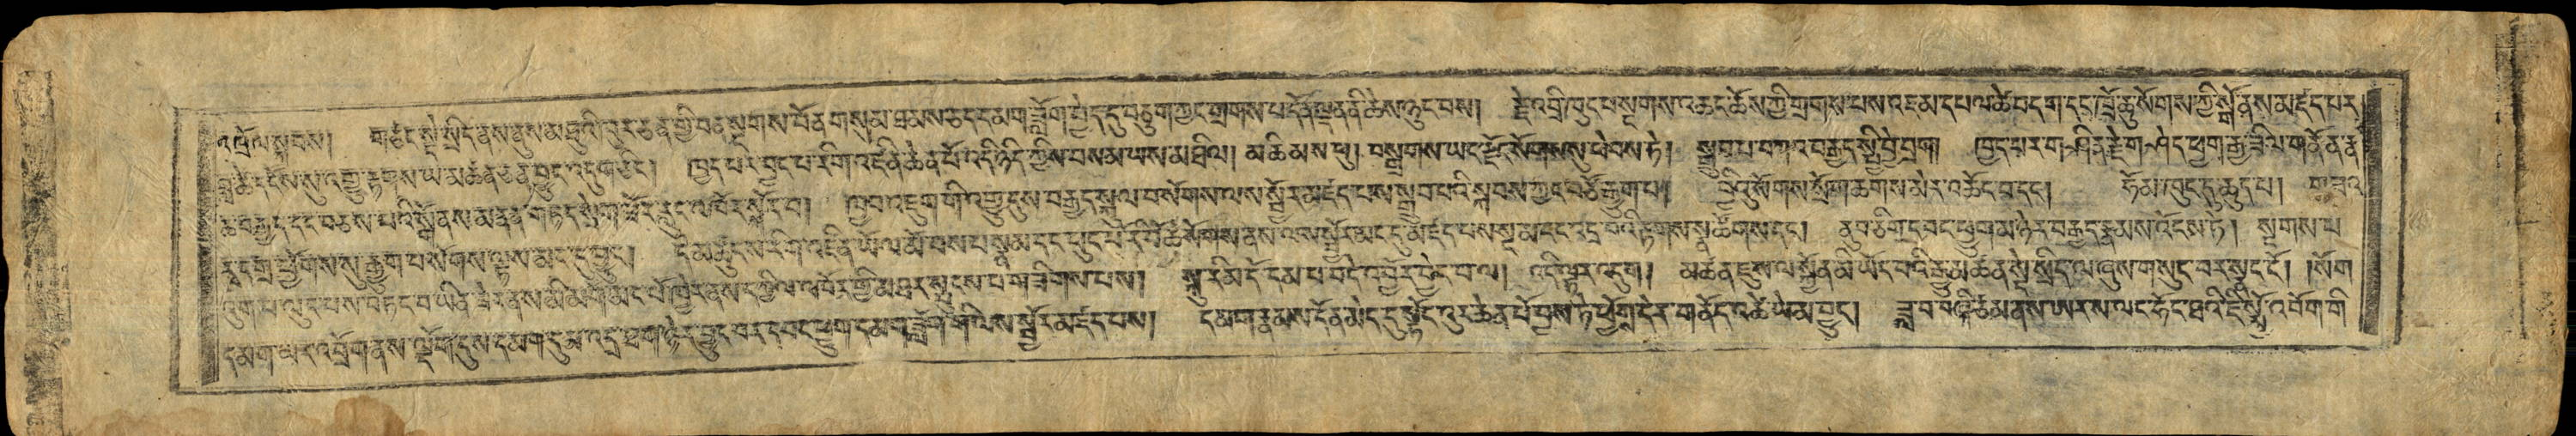འཁྲོལ་སྐབས། གཙང་སྡེ་སྲིད་ནས་ནུས་མཐུའི་ཁུར་ཅན་གྱི་བན་སྔགས་བོན་གསུམ་ཐམས་ཅད་དམག་ཟློག་བྱེད་དུ་བཅུག་ཀྱང་གྲགས་པ་དོན་ལྡན་ནི་ཆེས་ཉུང་བས། རྗེ་འབྲི་ཁུང་པ་སྔགས་འཆང་ཆོས་ཀྱི་གྲགས་པས་འཇམ་དཔལ་ཚེ་བདག་དང་ཁྲོ་ཆུ་སོགས་ཀྱི་སྒོ་ནས་མཛད་པར་
བླ་ཚེ་དངོས་སུ་འགྱུ་རྟགས་ཡ་མཚན་ཅན་བྱུང་འདུག་ཅིང་། ཁྱད་པར་བྱད་པ་རིག་འཛིན་ཆེན་པོ་འདི་ཉིད་ཀྱིས་བསམ་ཡས་མཐིལ། མཆིམས་ཕུ། བསྒྲགས་ཡང་རྫོང་སོགས་སུ་ཕེབས་ཏེ། སྒྲུབ་པ་བཀའ་བརྒྱད་སྤྱི་བྱེ་བྲག། ཁྱད་པར་གཤིན་རྗེ་གཤེད་ཕྱག་རྒྱ་ཟིལ་གནོན་རྣ་
ཆ་བརྒྱད་དང་བཅས་པའི་སྒོ་ནས་མནན་གཏད་སྲེག་ཟོར་རླུང་འཁོར་སྐོར་བ། ཁྱབ་འཇུག་གི་འགྱུ་དུས་བརྒྱད་སྐུལ་བ་སོགས་ལས་སྦྱོར་མཛད་པས་སྒྲུབ་པའི་སྐབས་ཀྱང་བཙོ་རྒྱུག་པ། བྱིའུ་སོགས་སྲོག་ཆགས་མེར་འཆོང་བ་དང་། ཧོམ་ཁུང་དུ་ཆུད་པ། གཟའ་
རྭ་དགྲ་ཕྱོགས་སུ་རྒྱུག་པ་སོགས་ལྟས་མང་དུ་བྱུང་། དེ་མཚུངས་རིག་འཛིན་ཡོལ་མོ་བས་པ་སྣམ་དང་ཕུང་པོ་རི་བོ་ཆེ་སོགས་ནས་ལས་སྦྱོར་མང་དུ་མཛད་པས་སྔ་མ་དང་འདྲ་བའི་རྟགས་སྣ་ཚོགས་དང་། ནུབ་ཅིག་དབང་ཕྱུག་མཉར་བརྒྱད་རྣམས་འོངས་ཏེ། སྔགས་པ་
འུག་པ་ལུང་པས་བཏང་བ་ཡིན་ཟེར་ནས་མི་མགོ་མང་པོ་ཁྱེར་ནས་དཀྱིལ་འཁོར་གྱི་མཐར་སྤུངས་པ་གཟིགས་པས། སྐུ་རིམ་དོ་དམ་པ་བདེ་འབྱོར་བྱད་པ་ལ། འདི་ལྟར་འདུག། མཚན་ཇུས་ལ་སྐྱོན་མི་ཡོང་བའི་རྒྱུ་མཚན་སྡེ་སྲིད་ལ་ཞུས་གསུང་བར་སྣང་ངོ། །སོག་
དམག་ཡར་འབྲོག་ནས་ལྡོག་དུས་དམག་དུམ་འདྲ་ཐག་ཉེར་བྱུང་བར་དབང་ཕྱུག་དམག་ཟློག་གི་ལས་སྦྱོར་མཛད་པས། དམག་རྣམས་དོན་མེད་དུ་སྟོང་འུར་ཆེན་པོ་བྱས་ཏེ་ཕྱོགས་དེར་གནོད་འཚེ་ཡེ་མ་བྱུང་། ཟླ་བ་བཞི་ཙམ་ནས་ཨར་ས་ལང་ཧོར་ཐའི་ཇི་སྨྱོ་འབོག་གི་